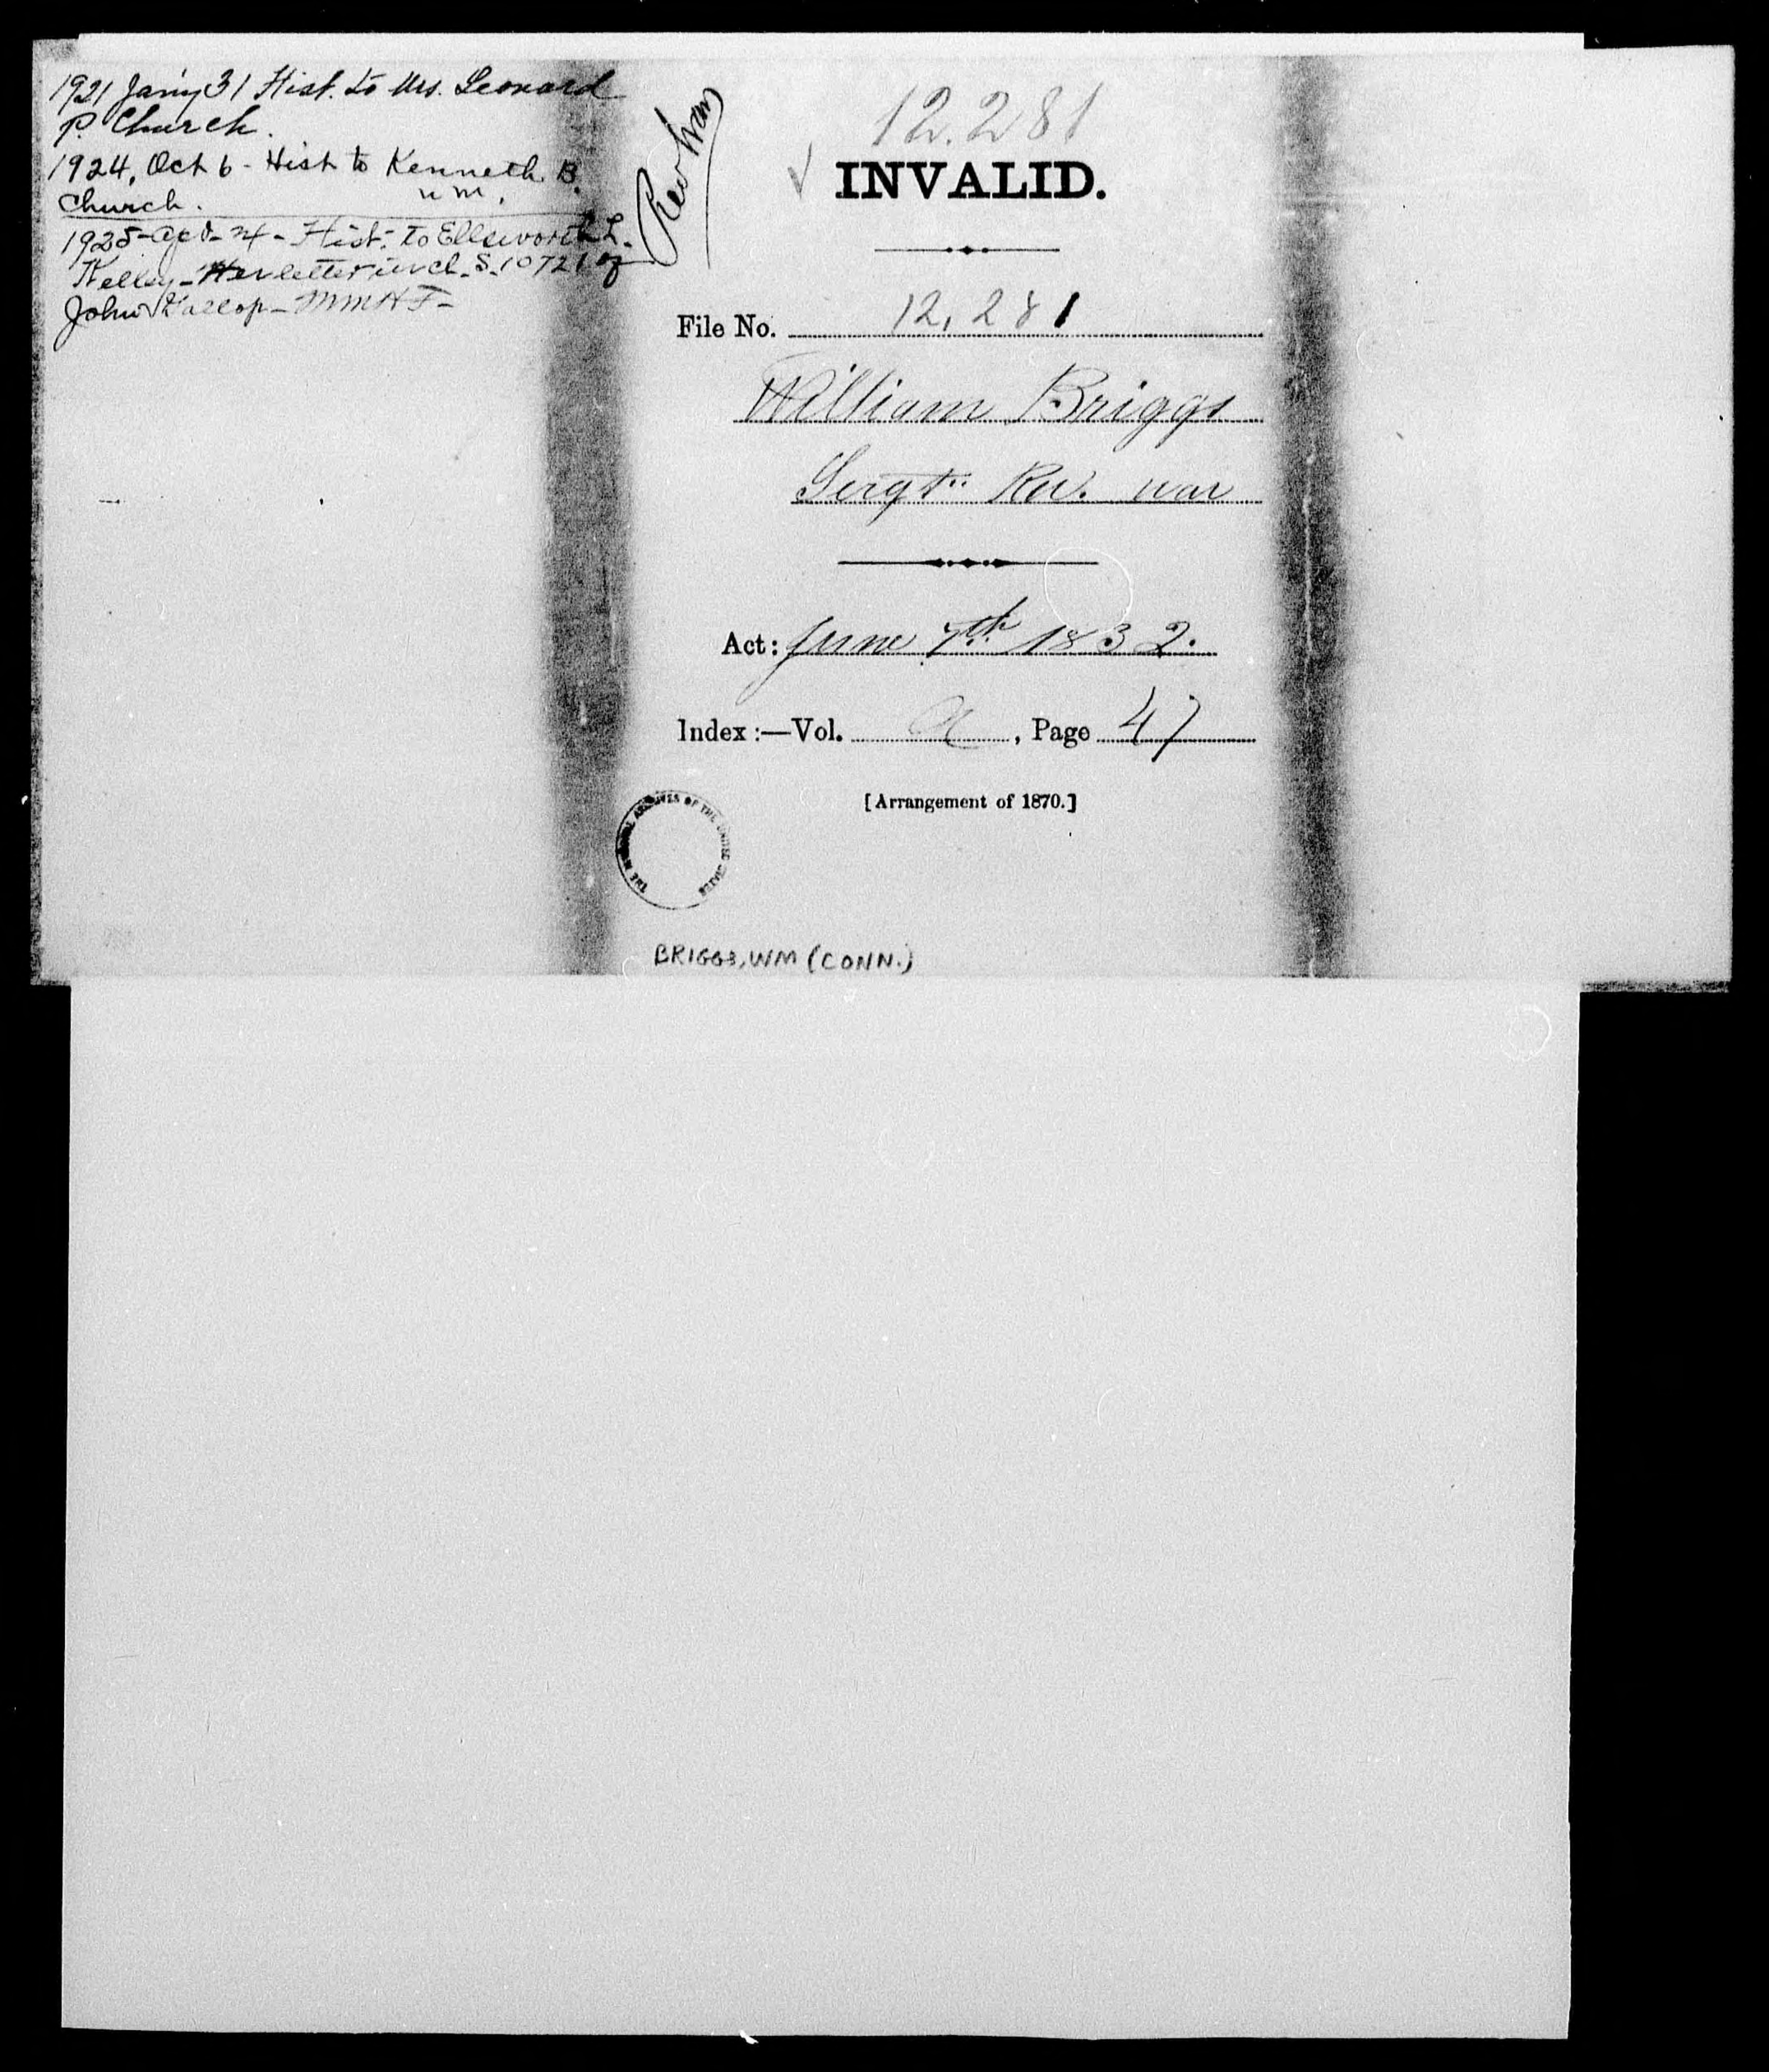[top left-hand corner]
1921 Jan'ry 31 Hist. to Mrs. Leonard 
P. Church. 
1924, Oct 6 - Hist to Kenneth B. 
Church. to me 
1925 -April-4 - Hist. to Ellsworth L. 
Kelley. Her letter [illegible] S.10721 [illegible]
John Gallop_MMHT
Revhay

[middle of page]
12.281 
INVALID. 
File No. 12 ,281 
William Briggs 
Sergt Rev. War 
Act: June 7th 1832. 
Index: -- Vol. [illegible] Page 47 
[Arrangement of 1870.] 
BRIGGS, WM (CONN.)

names: William Briggs, Leonard P Church, John Gallop, Wm Briggs, Kenneth B Church, Ellsworth L Kelley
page: 12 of 37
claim: survivor's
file: S. 12,281, William Briggs, Conn.